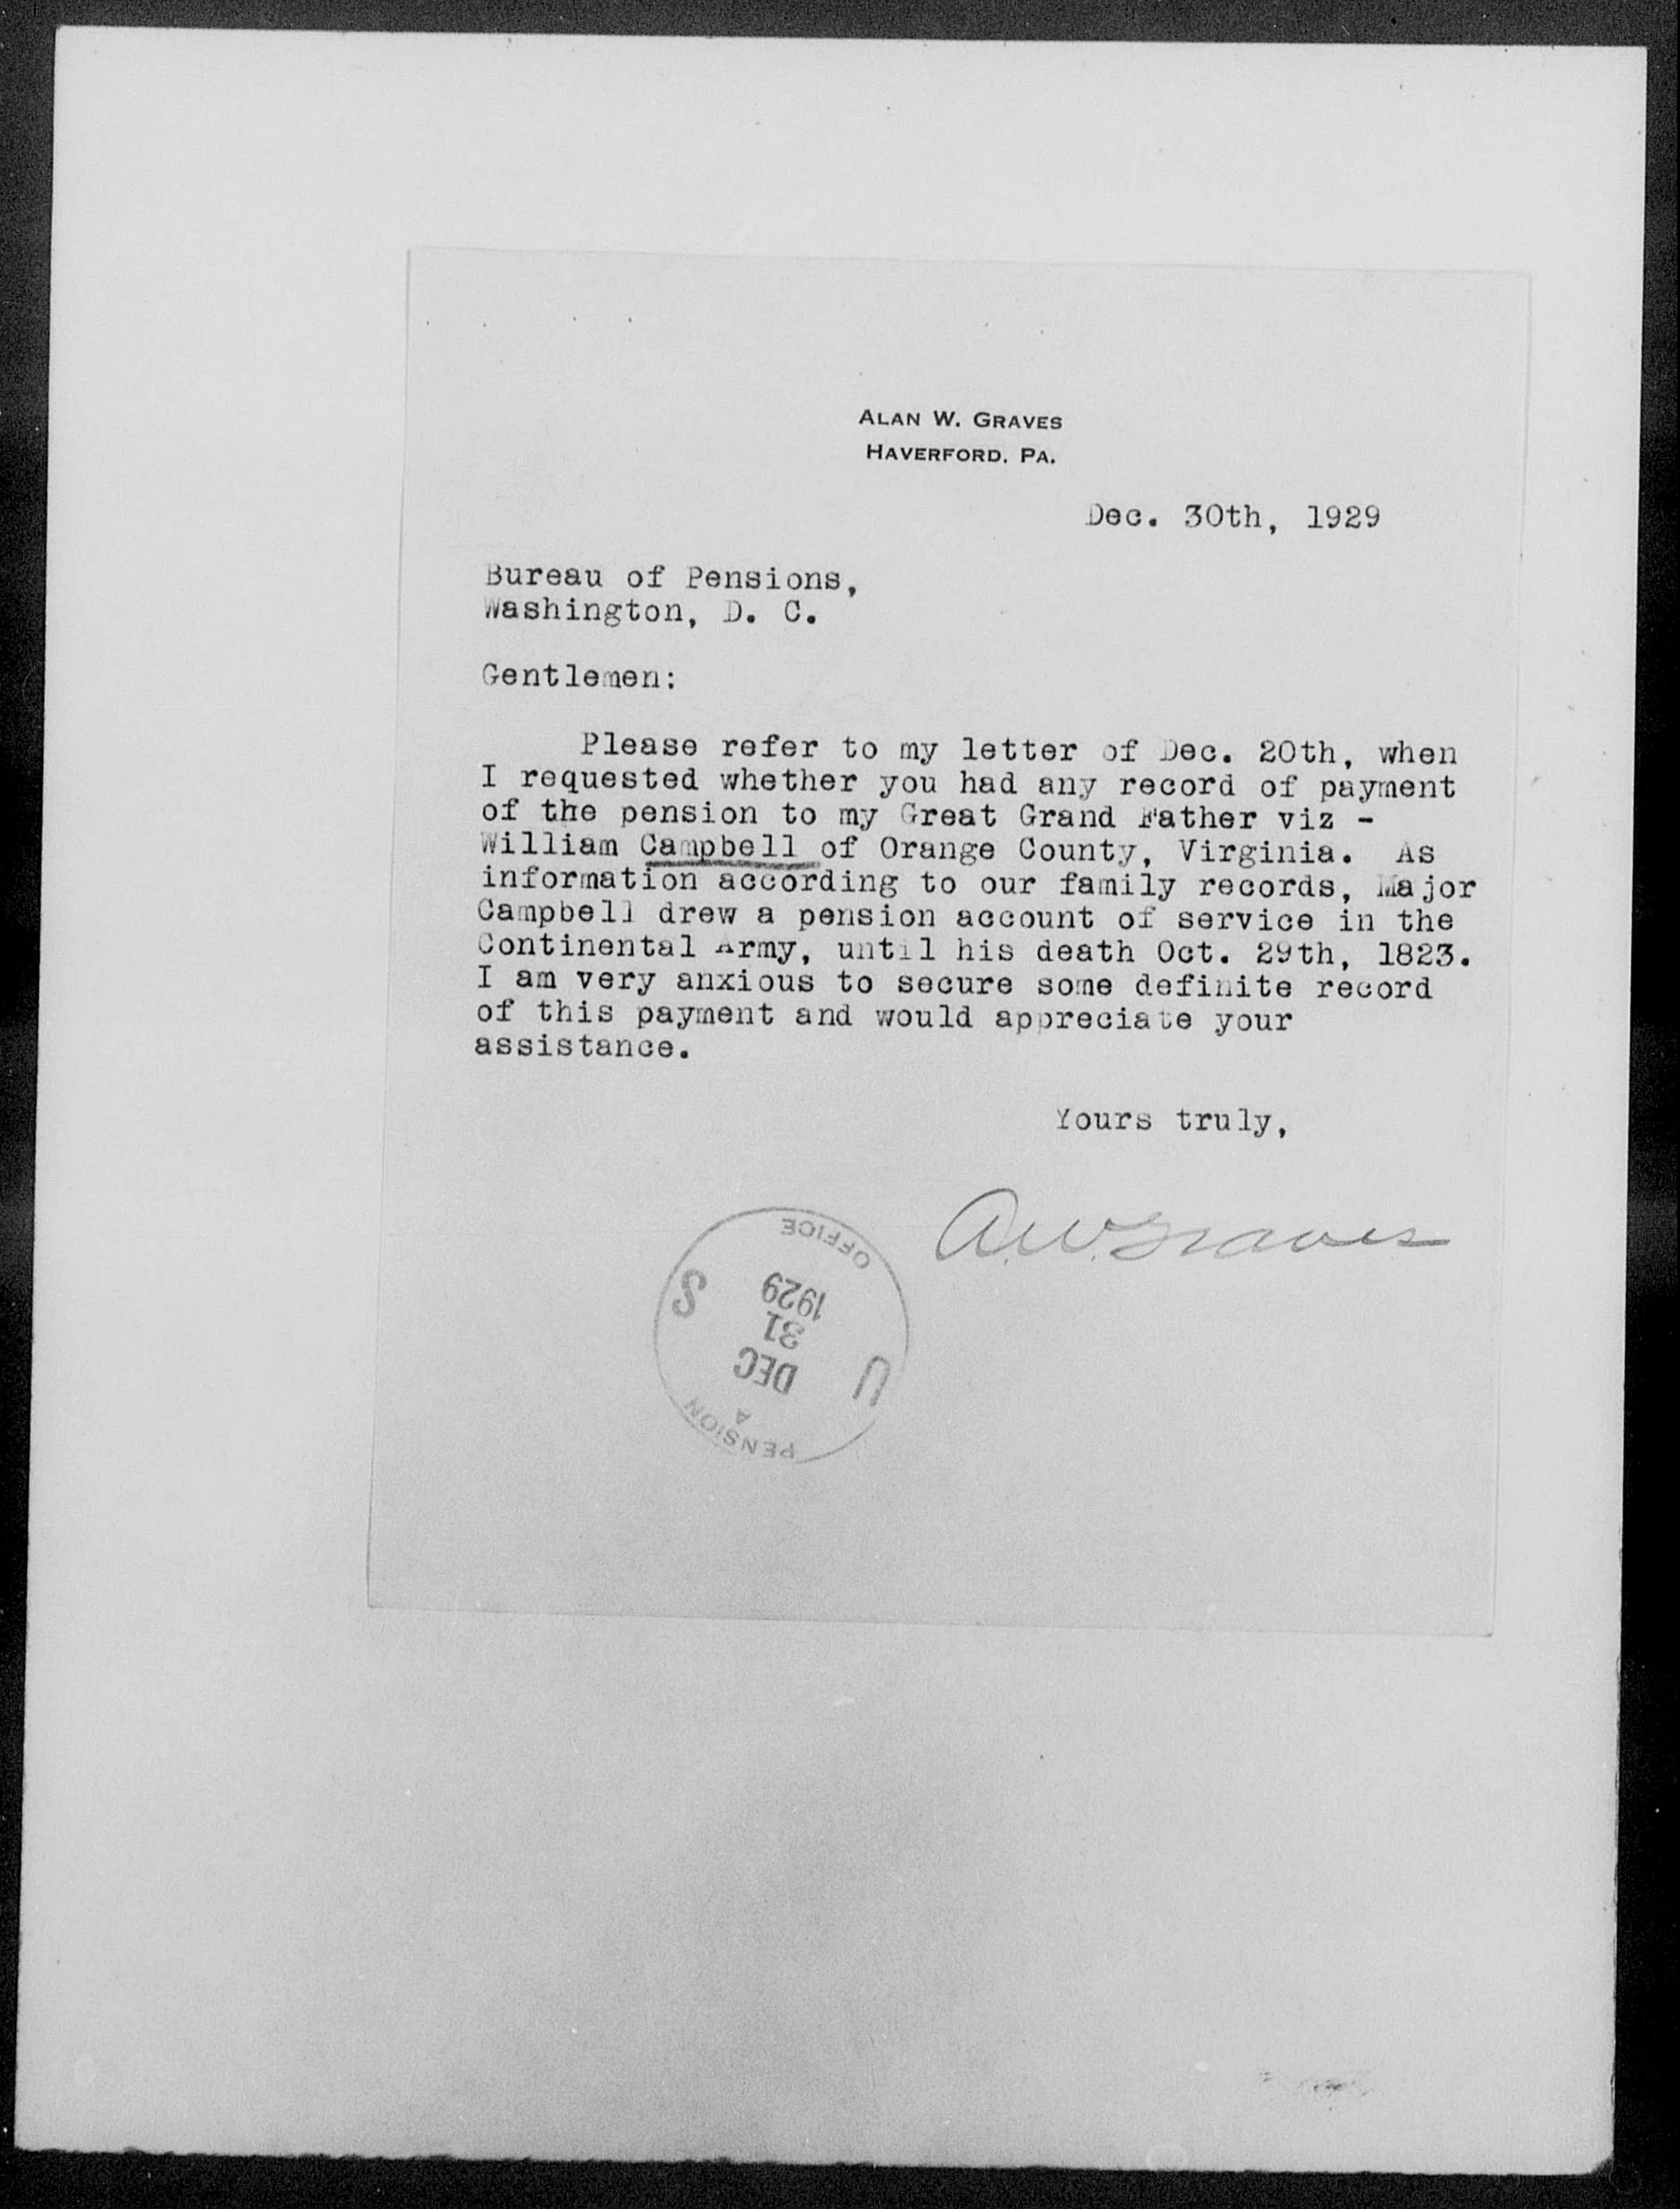ALAN W. GRAVES
HAVERFORD, PA.

Dec. 30th, 1929
Bureau of Pensions,
Washington, D. C.

Gentlemen:

Please refer to my letter of Dec. 20th, when I requested whether you had any record of payment of the pension to my Great Grand Father viz -
William Campbell of Orange County, Virginia. As information according to our family records, Major Campbell drew a pension account of service in the Continental Army, until his death Oct. 29th, 1823. I am very anxious to secure some definite record of this payment and would appreciate your assistance.
Yours truly,
[signed] A. W. Graves

[stamp]
PENSION
A
DEC
U 31 S
1929
OFFICE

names: A W Graves, Campbell, William Campbell, Alan W Graves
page: 156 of 267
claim: widow's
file: W. 4,149, William Campbell, Va.